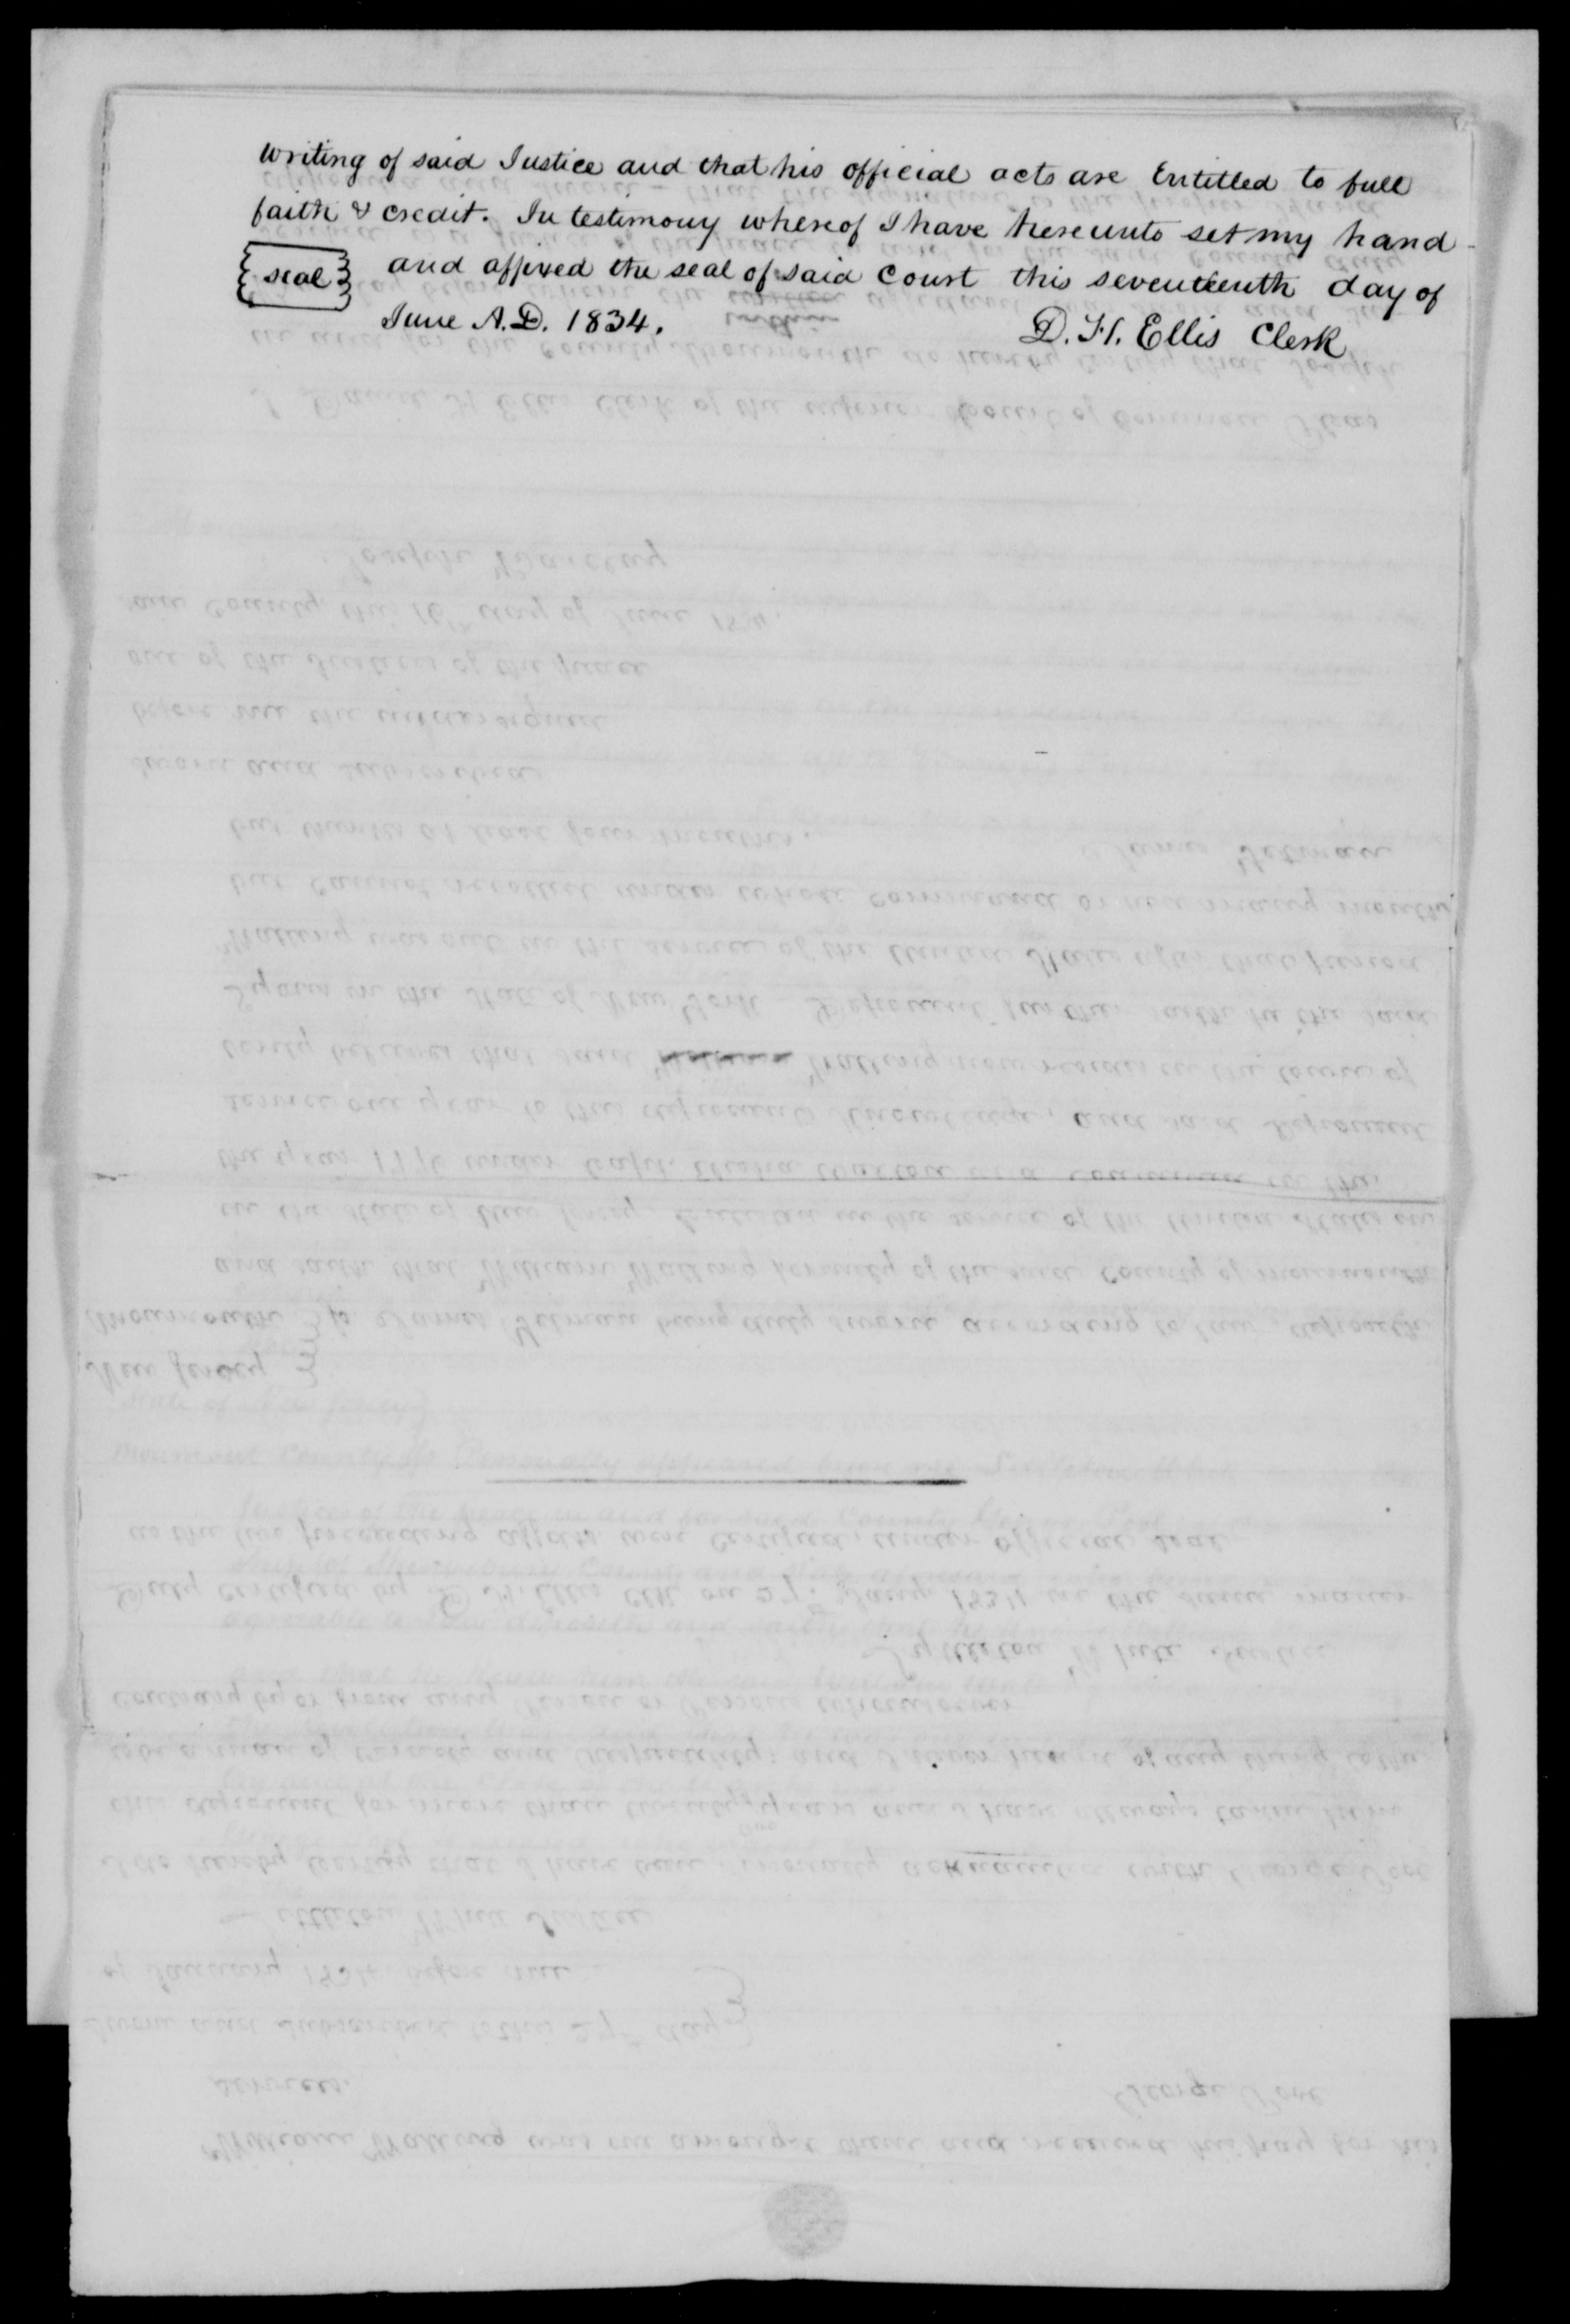writing of said Justice and that his official acts are entitled to full faith & credit.  In testimony whereof I have hereunto set my hand {seal} and affixed the seal of said court this seventeenth day of June A.D. 1834.  D.H. Ellis Clerk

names: D H Ellis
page: 48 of 66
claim: widow's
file: W. 19588, William Walling, New Jersey